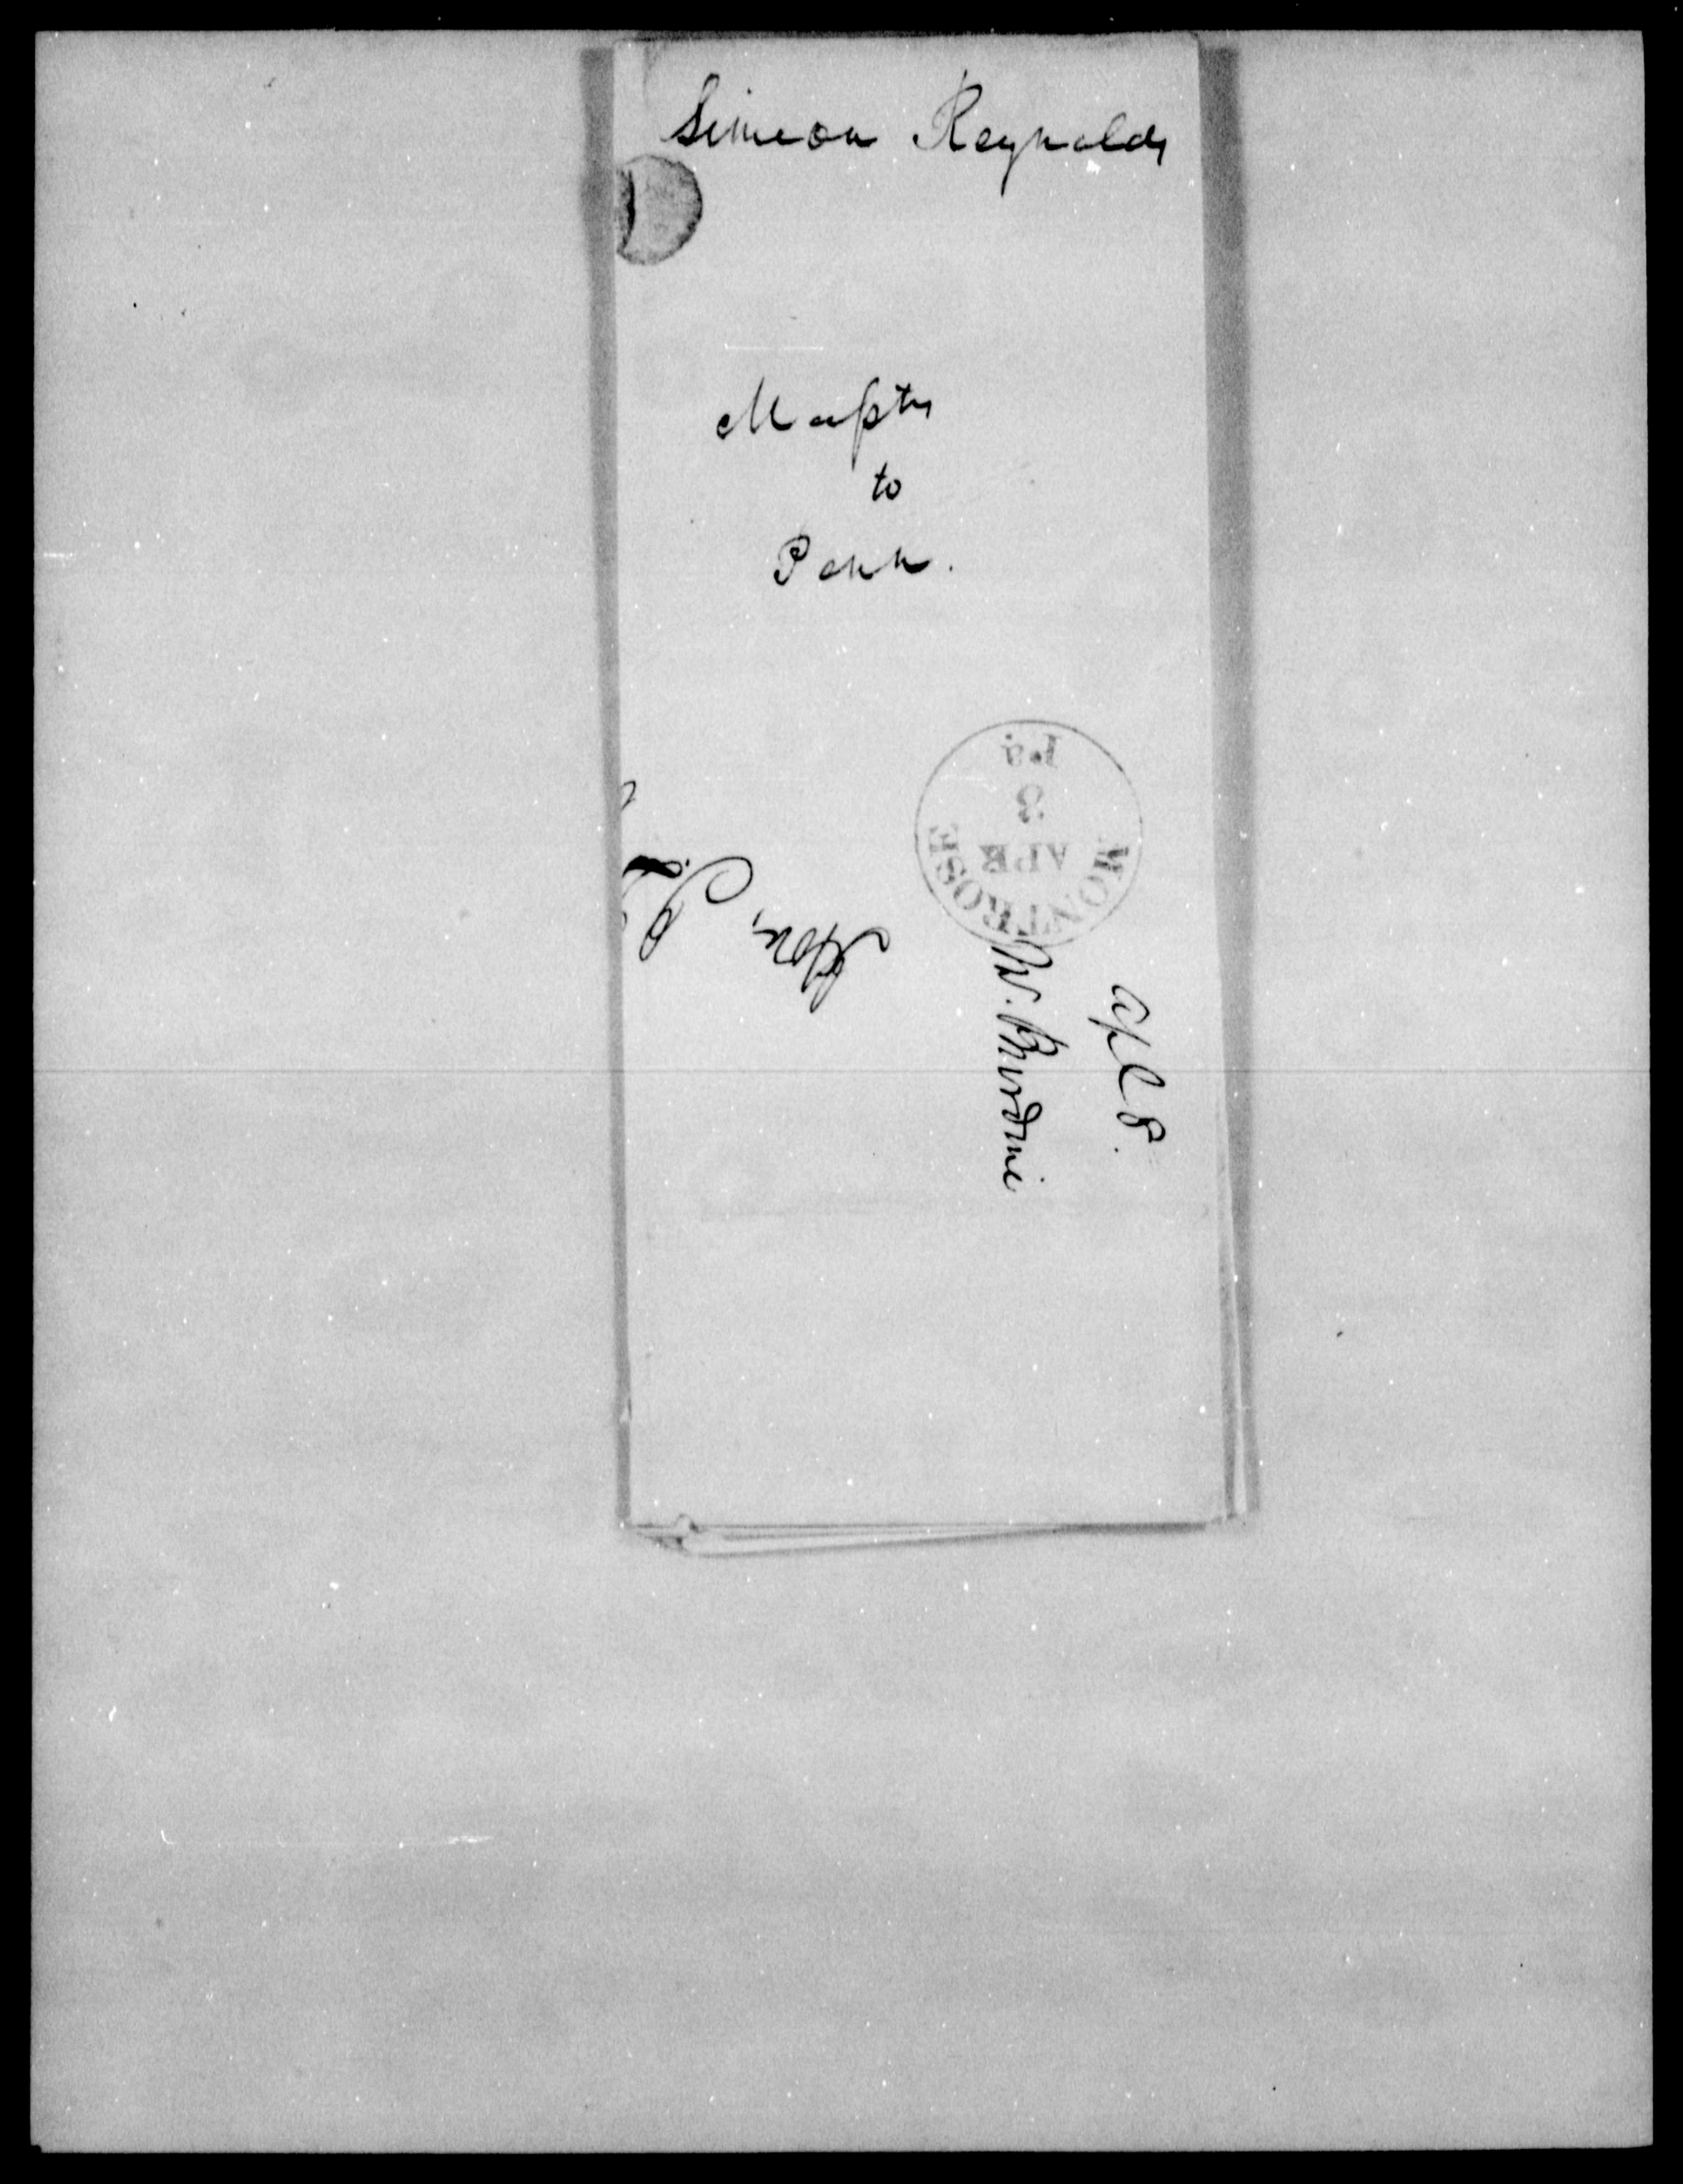Simeon Reynolds

Mapt [???] to Penn.

[postmark] Montrose Apr 8 Pa. [postmark]

Hon. [cutoff text]

Apl 8. Mr. Purdue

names: Simeon Reynolds; [BLANK] Burdine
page: 8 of 20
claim: survivor's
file: S. 41,094, for Simeon Reynolds, Connecticut